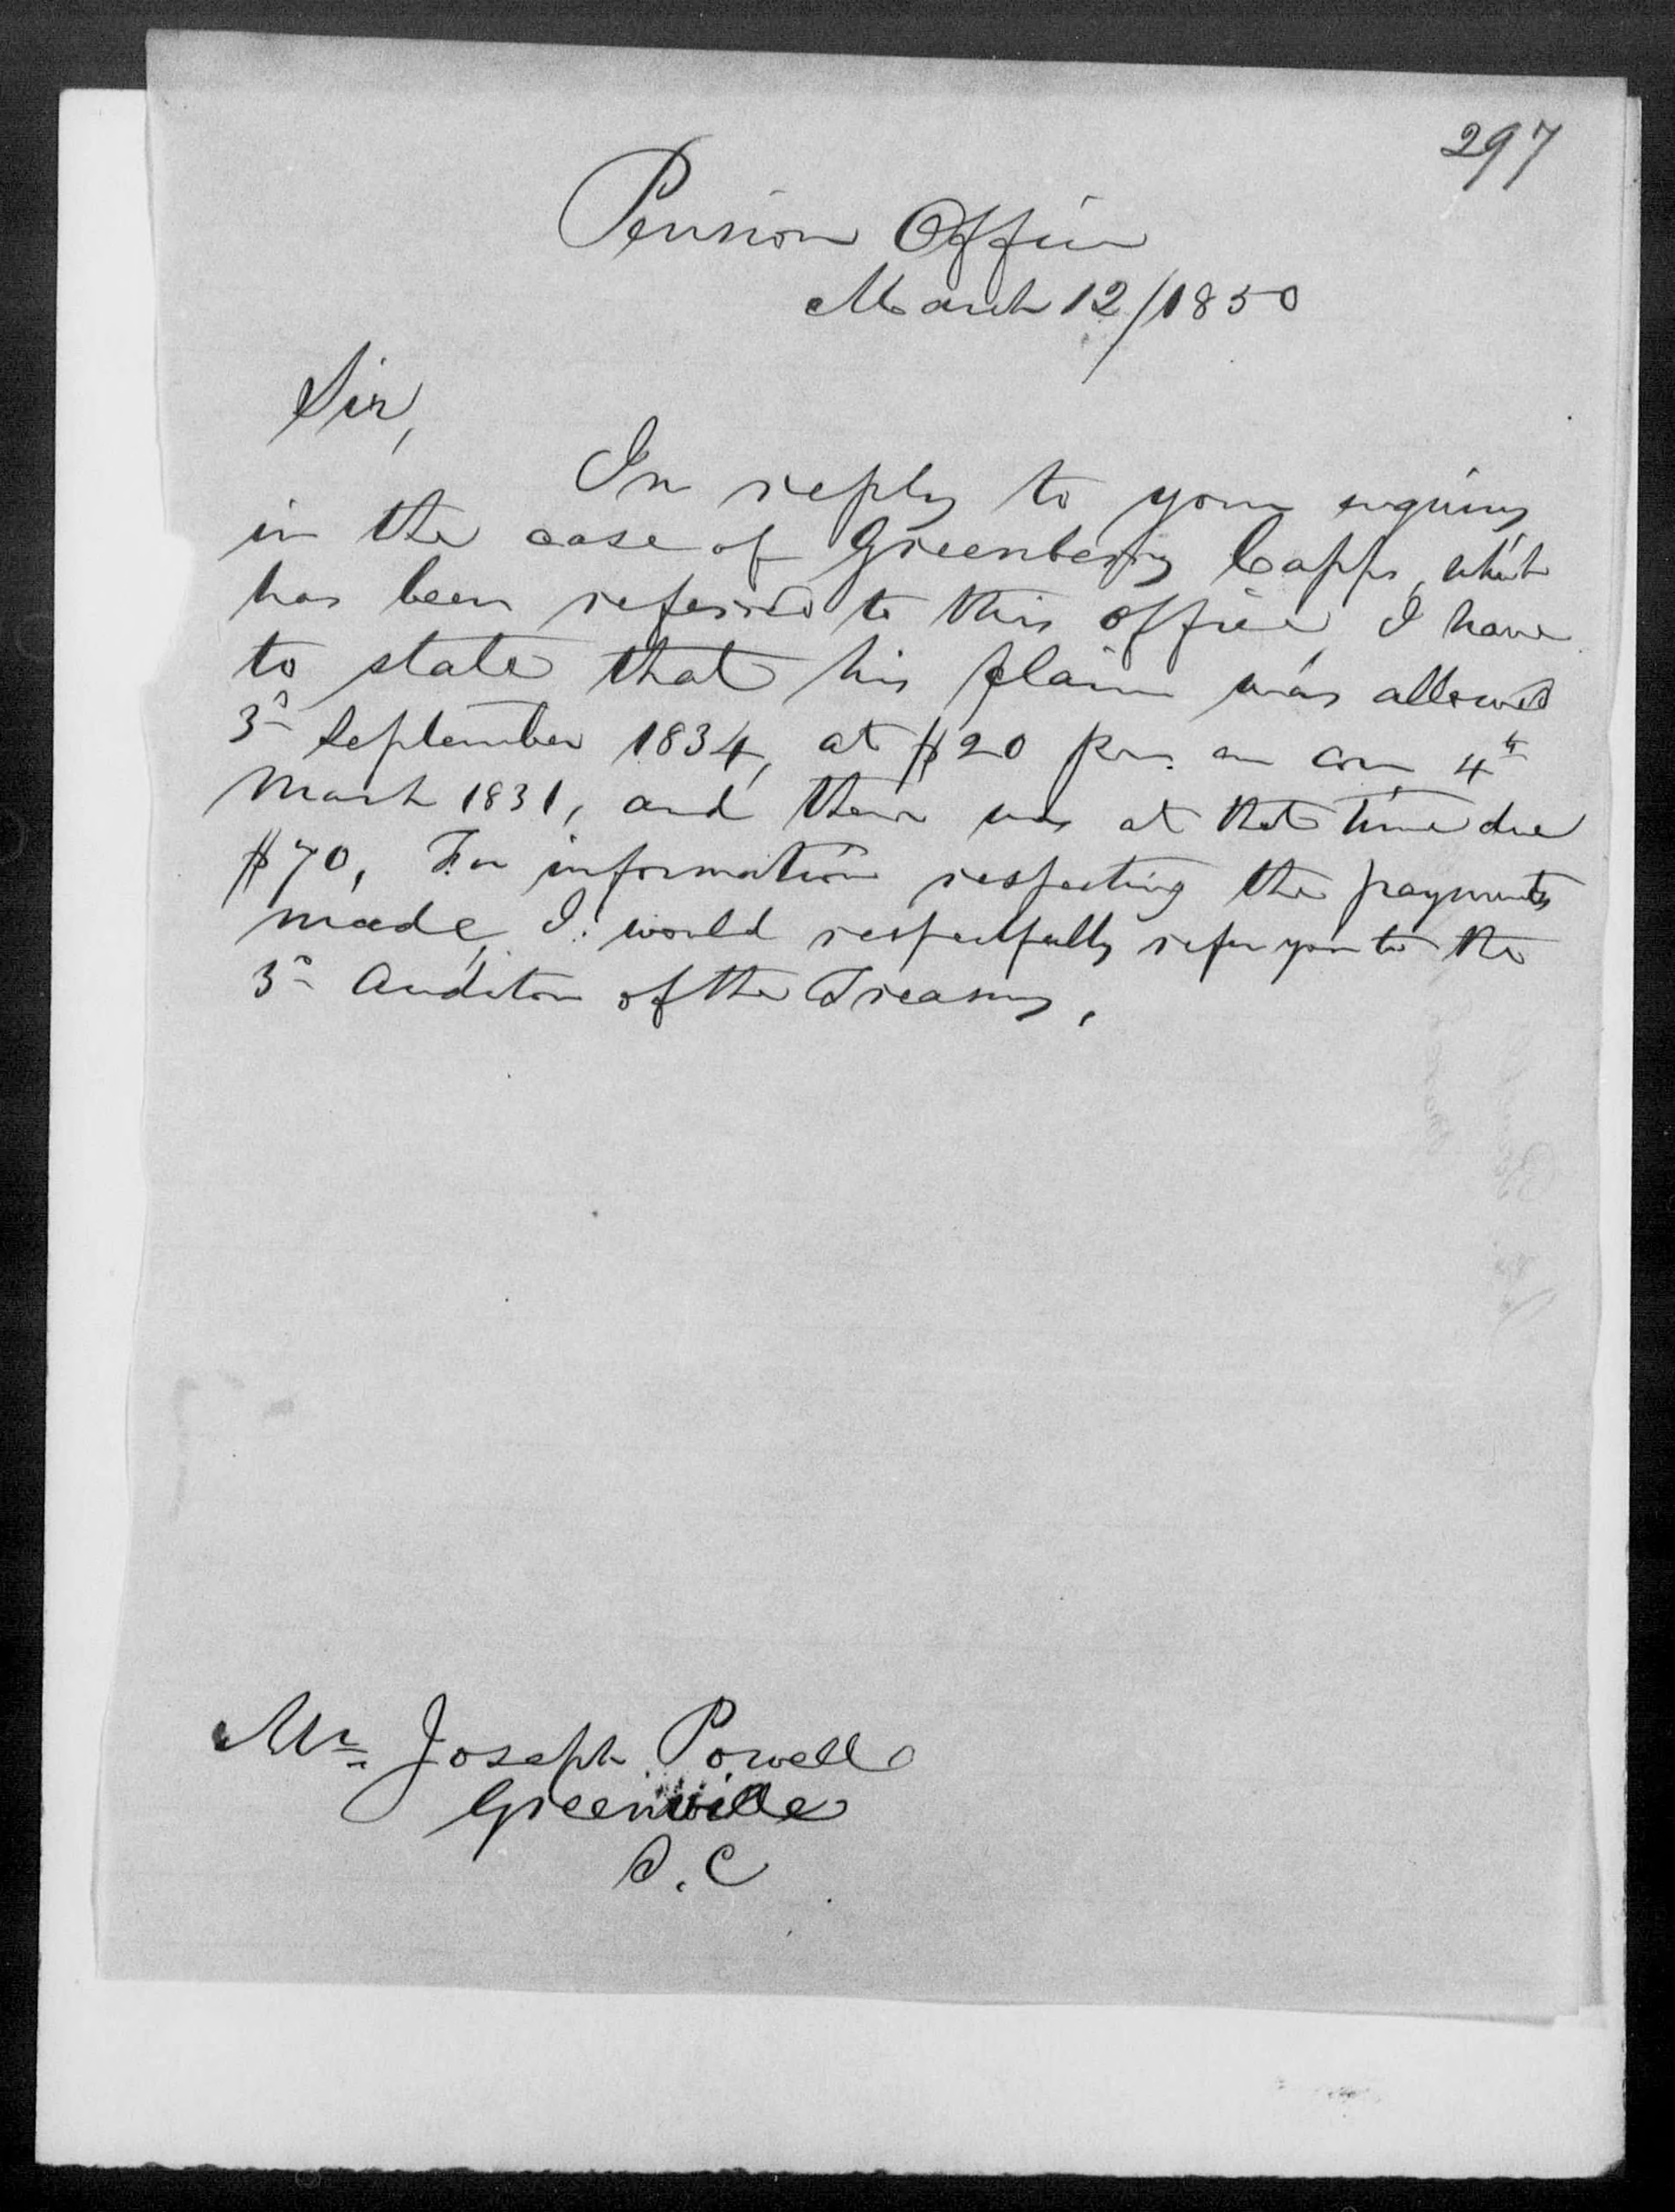297

Pension Office
March 12/1850

Sir,
In reply to your enquiry in the case of Greenberry Capps, which has been referred to this office I have to state that his claim was allowed 3d September 1834, at $20 per [illegible] 4th March 1831, and there was at that time due $70. For information respecting the payments made, I would respectfully refer you to the 3d Auditor of the Treasury.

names: Joseph Powell, Greenberry Capps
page: 12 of 26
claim: survivor's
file: S. 21105, Greenbery Caps, S.C.